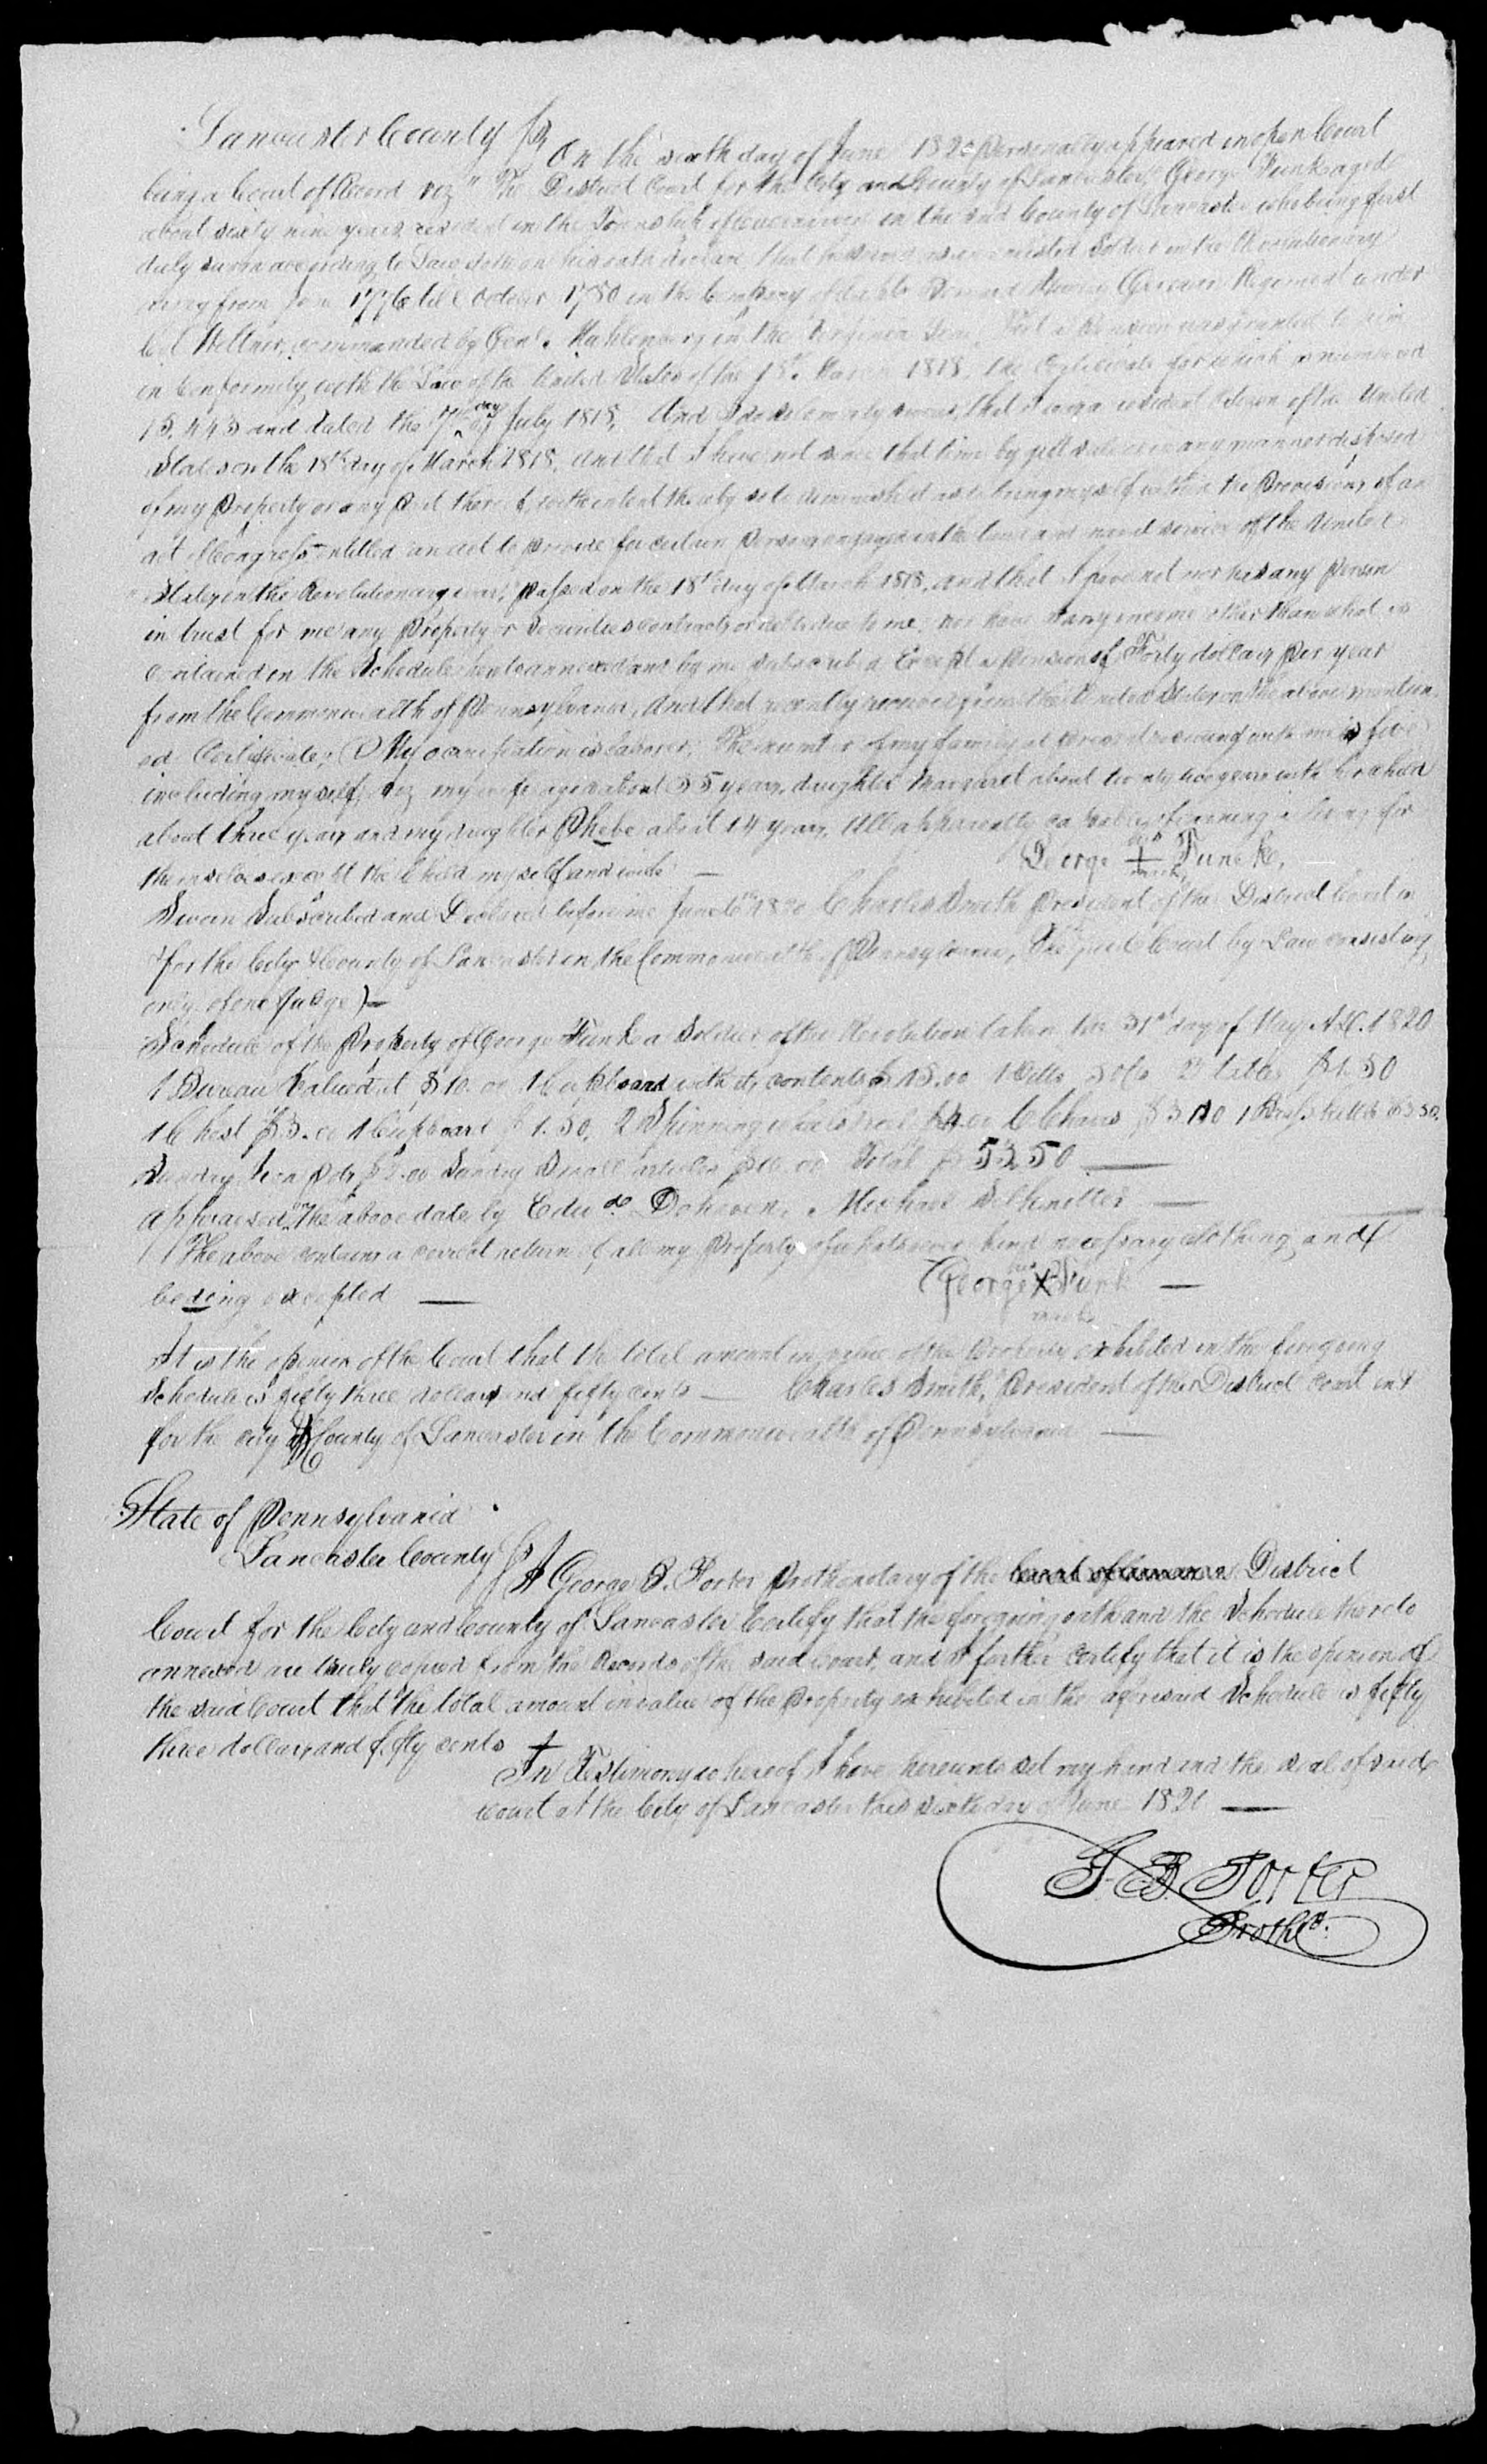Lancaster County Pa,
On the ninth day of June 1820 personally appeared in open Court being a Court of Record viz “ The District Court for the city and County of Lancaster” George Funk aged about sixty nine years resident in the Township of illegible in the and County of Lancaster who being first duly sworn according to Law doth on his oath declare that foresaid as was enlisted soldier in the Revolutionary war illegible from Jany 1776 till October 1750 in the Company of Capts illegible Regiment and Col illegible commanded by General Kahlenerg in the Virginia line. Too light to be legible for the remaining sentence. In conformity with the Law of the United States of the 15 Mar 1818 the illegible for which illegible 15.44 and dated the 7th of July 1815, And do solemnly swear that illegible of the United States on the 18th of March 1818. And that I have not illegible that time by sale in any manner dissolved of my property or any part there of saith entent set diminished nor illegible of remaining sentence is too light to read. The Revolutionary war. Passed on the 18th day of March 1818, and that I have not illegible any person in trust for me any property or securities contracts or relative to me nor have any income other than what is contained in the Schedule illegible and by me subscribed a illegible a pension of forty dollars per year from the Commonwealth of Pennsylvania, and that recently illegible the United States on the above mentioned Certificate; My illegible The (illegible sentence too light to read) including myself viz my wife aged about 65 years, daughter Margaret about twenty four years with her child about three years and my daughter Phoebe about 14 years all apparently too light to read, - - - - - - - - child myself and wife —-
Sworn Subscribed and declared before me not legible Charles Smith President of the District Court in and for City and County of Lancaster in the Commonwealth of Pennsylvania, District Court by Law consisting only of one judge).
Schedule of t he property of George Funk he a soldier of the Revolution taken this 31st day of May. A.D. 1820
1 Bureau Valued at $10.00 1 Cupboard with it, contents $15.00 1 illegible of 2 tables $4.50 1 chest $3.00 1 cupboard $1.50. 2 Spinnning wheels one illegible 6 chairs $3.00 1 brass kettle $3.50 Sunday illegible $2.00 Sundry illegible $16.00 Total $53.50——appraised by the above date by Edu Dohearn Michael Selkneller —-The above contains a correct return of all my property illegible necessary illegible and bedding accepted
George Funk (X)
It is the opinion of the Court that the total amount in value of the property exhibited in the foregoing schedule is $53.50 ——Charles Smith President of the District Court in and for the city and county of Lancaster in the Commonwealth of Pennsylvania—-
State of Pennsylvania
Lancaster County
I George B Porter Prothortary for the District Court for the City and County of Lancaster certify that the foregoing oath and the schedule the illegible are truly copied from the records of the said Court, and further certify that it is the opinion of the said Court that the that the total amount in value of the property exhibited in the aforesaid Schedule of fifty three dollars and fifty cents.
In testimony whereof I have hereunto set my hand the seal of the said court at the City of Lancaster this sixth day of June 1821
George B Porter
Prothotary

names: G B Porter, Charles Smith, George Funk, George B Porter, Hillner, Margaret, Edwd Dohcock, George Funck, George Funk, Michael Selkneller, Charles Smith, Phebe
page: 11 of 11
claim: survivor's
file: S. 41553, George Funk, Continental (German Regiment)